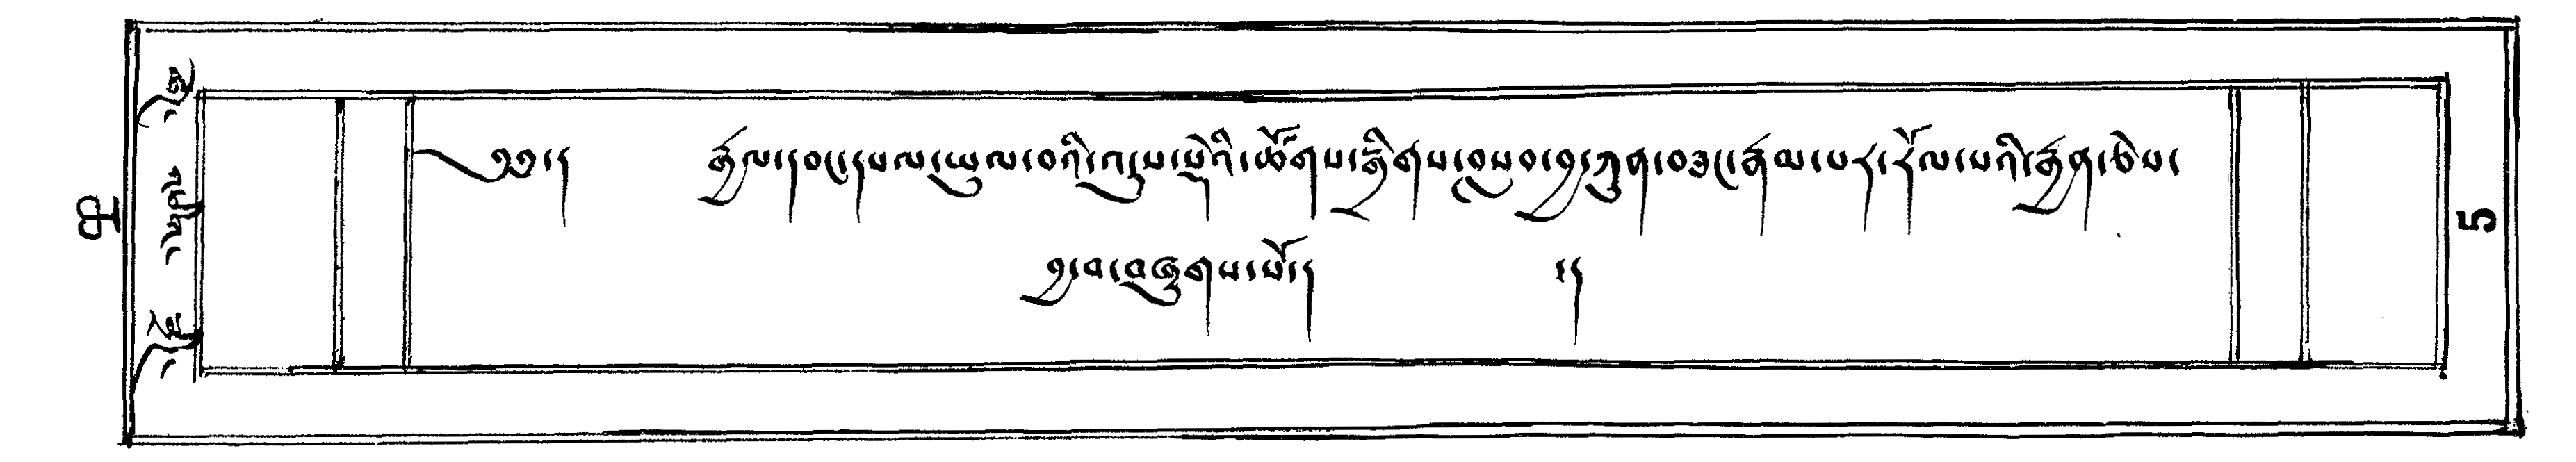༄༅། རྒྱལ་དབང་དཔལ་ཡུལ་བའི་འདུས་སྡེའི་ཚོགས་སྒྲིགས་བསླབ་བྱ་ཀུན་བཟང་རྣམ་པར་རོལ་བའི་རྒྱན་ཅེས་
བྱ་བ་བཞུགས་སོ།།